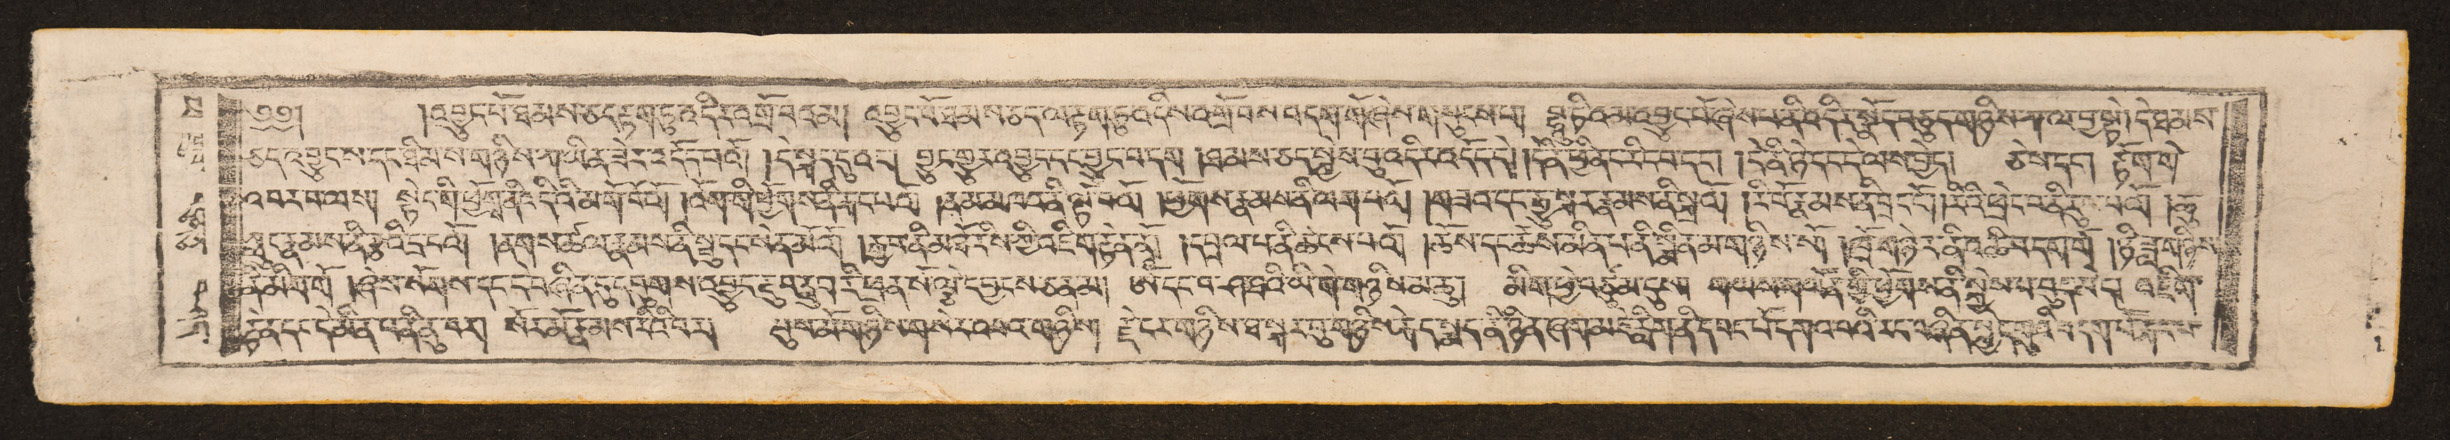༄༅། །སྟེ༑ དབང་པོའི་མངོན་སུམ་དང་ཡིད་ཀྱི་མངོན་སུམ་དང་རྣལ་འབྱོར་མངོན་སུམ་དང་། རང་རིག་པའི་མངོན་སུམ་ཞེས་པ་སྟེ་ཤེས་པ་དེ་ཉིད་ནི་ཉེ་བར་སྟོན་པར་བྱེད་པ་དང་། འཇུག་པར་བྱེད་པ་དང་། ཐོབ་པར་
བྱེད་པ་དང་། ཉམས་སུ་མྱོང་བའི་མཚན་ཉིད་ཅན་ནོ། ཞེས་དང་། སྤྱན་ལྔ་དང་སྦྱར་ཚུལ་ནི། དྲི་མེད་འོད་ལས། མངོན་སུམ་དང་རྗེས་སུ་དཔག་པ་དེ་དག་ལས་མངོན་སུམ་གང་ཡིན་པ་དེ་དག་ནི། ཞེས་པ་ནས་འདིར་ལས་དང་པོའི་
རྣལ་འབྱོར་པས་མངོན་པར་ཤེས་པ་མེད་པར་ཤའི་མིག་གིས་སྣ་ཚོགས་མཐོང་ངོ། །དེ་ནས་མངོན་པར་ཤེས་པའི་འཚམས་ཀྱིས་དབང་གིས་ལྷའི་མིག་གིས་མཐོང་ངོ། ཞེས་སོགས་དང་། རྒྱུད་ཕྱི་མ་ལས། ཁྱི་ལ་སོགས་པ་
ཤའི་མིག་དང་། ཞེས་སོགས་དང་། རྡོ་རྗེ་སྙིང་འགྲེལ་ལས། ལས་དང་པོ་ཡི་རྣལ་འབྱོར་བའི། །དང་པོ་ཤ་ཡི་སྤྱན་དུ་འགྱུར། །དེ་ནས་དེ་ཡི་ལྷ་ཡི་སྤྱན། །ལྷ་ཡི་ཇི་ལྟ་དེ་ལྟའོ། །དེ་ལ་སངས་རྒྱས་སྤྱན་དུ་འགྱུར། །ཉན་ཐོས་ཇི་ལྟ་དེ་
ལྟའོ༑ ༑དེ་ནས་ཤེས་རབ་མིག་ཇི་ལྟར། །བྱང་ཆུབ་སེམས་དཔའ་དེ་ལྟའོ། །དེ་ནས་ཡེ་ཤེས་རང་བཞིན་སྤྱན། །བདེར་གཤེགས་རྣམས་ཀྱིས་ཇི་ལྟ་བའོ། །ཡེ་ཤེས་རྣམ་པ་བཞི་ཡི་སྤྱན། །གང་ལ་ཡོད་པ་དེས་ནའོ། །ཞེས་པ་
རྣམས་དང་ཡང་རྒྱབ་འགལ་ཁོ་ནར་སྣང་བས་ཁྱོད་ཀྱི་ལུགས་དེ་ཕྱི་ནང་སུའི་ཡིན་ཁོ་བོས་མ་ཤེས་སོ། །ཡང་ཞིབ་དཔྱོད་བྱེད་པ་དང་དབུ་མ་སྣང་བ་དང་བདེན་གཉིས་དང་ཉི་སྣང་སོགས་རང་རྒྱུད་པའི་ལུང་འདྲེན་མི་རིགས་ཏེ། ཚིག་